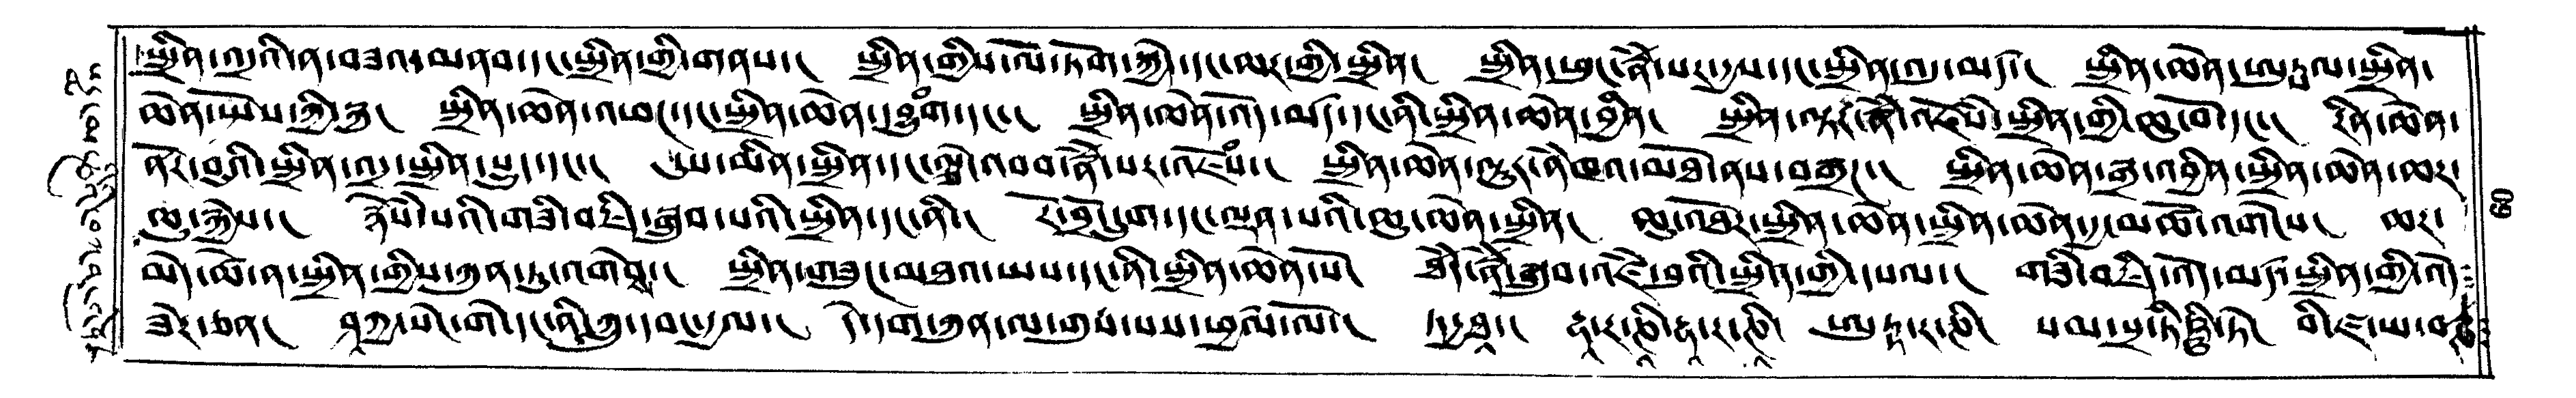།སྤྲིན་འདྲའི་ན་བཟའ་མནབ་དང་སྤྲིན་གྱི་གནས། །སྤྲིན་གྱིས་ལོ་ཏོག་སྐྱེད་དང་ཆར་གྱི་སྤྲིན། །སྤྲིན་ཕུང་རྣམ་པར་རྒྱས་དང་སྤྲིན་འདུ་མཛད། །སྤྲིན་ཆེན་ཨུཏྤལ་སྤྲིན་
ཆེན་སྤོས་ཀྱི་སྐུ། །སྤྲིན་ཆེན་འཕགས་དང་སྤྲིན་ཆེན་དབང་ཕྱུག་དང་། །སྤྲིན་ཆེན་འོད་མཛད་དང་ནི་སྤྲིན་ཆེན་བྱིན། །སྤྲིན་ལྟར་རྣམ་འཇོམས་སྤྲིན་གྱི་ཆུ་བོ་དང་། །རིན་ཆེན་
ནོར་བུའི་སྤྲིན་འདྲ་སྤྲིན་སྡུད་དང་། །དུས་མིན་སྤྲིན་དང་ལྕེ་འབབ་རྣམ་པར་འཇོམས། །སྤྲིན་ཆེན་ལྟ་བུར་ནམ་མཁའ་མཐོ་ནས་བསྒྲགས། །སྤྲིན་ཆེན་སྒྲ་འབྱིན་སྤྲིན་ཆེན་ཆར་
ཆུ་སྐྱེས། སྙེམས་པའི་གཟི་བརྗིད་སྒྲུབ་པའི་སྤྲིན་དང་ནི། །རོ་བྲོ་དྲུག་དང་ལྡན་པའི་ཆུ་ཆེན་སྤྲིན། །ཆུ་འཐོར་སྤྲིན་ཆེན་སྤྲིན་ཆེན་རྒྱ་མཚོ་འགེངས། །ཆར་
མེད་ཚེ་ན་སྤྲིན་གྱིས་ཀུན་ཏུ་འགེབས། །སྤྲིན་གཟུགས་མཐའ་ཡས་དང་ནི་སྤྲིན་ཆེན་པོ། །ཐམས་ཅད་རྣམས་སྒྲུབ་འཛམ་བུའི་སྤྲིན་གྱི་དཔལ། །གཟི་བརྗིད་འོད་མཛད་སྤྲིན་གྱི་འོད་
ཟེར་ཅན། །ཤཱཀྱ་སེང་གེ་དང་ནི་ཀླུ་དབང་རྒྱལ། །དེ་དག་ཀུན་ལ་གུས་པས་ཕྱག་འཚལ་ལོ།།ཏདྱཐཱ། དྷཱ་ར་ཎཱི་དྷཱ་ར་ཎཱི། ཨུཏྟ་ར་ཎི། སམ་ཏིཥྛི་ཏེ། བི་ཛ་ཡ་བརྞ་